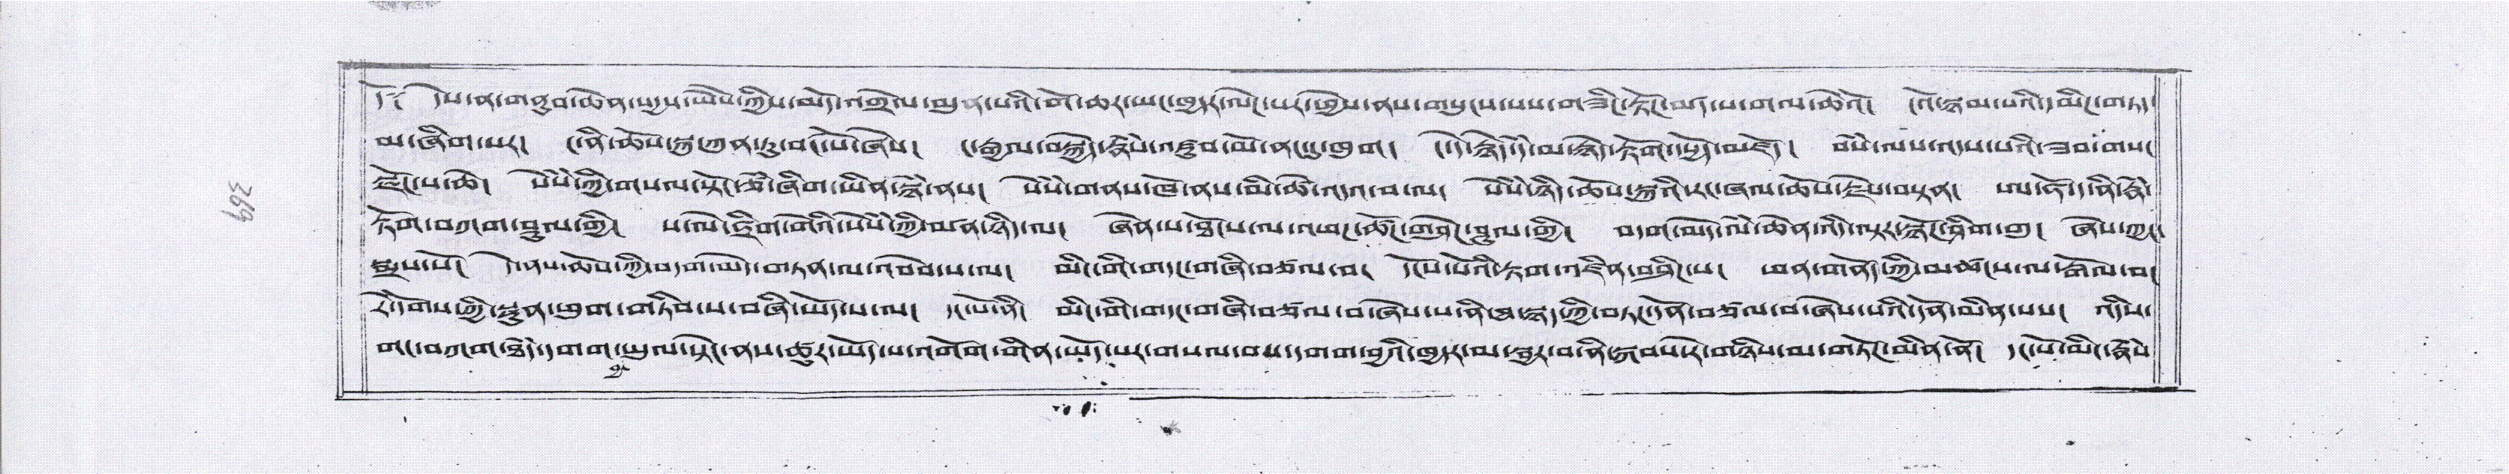དོ། དེས་ན་གནུབ་ཆེན་སངས་རྒྱས་ཡེ་ཤེས་ཀྱིས་མདོ་འགྲེལ་མུན་པའི་གོ་ཆར་ཡང་ཁྱད་པར་ལེགས་པར་ཕྱེས་ནས་གསུངས་པས་གཟིག་རྟོགས་མཛད་པ་གལ་ཆེའོ། ངའོ་སྙམ་པའི་དམིགས་གཏད་
མ་ཞིག་པར། ང་ནི་ཆོས་སྐུ་ཀུན་ཏུ་བཟང་པོ་ཞེས། ང་རྒྱལ་བསྐྱེད་རྣམས་འཛུབ་མོ་ནང་དུ་ཁུག ང་དེ་རྙེད་དམ་མ་རྙེད་རྟོག་དཔྱོད་མཛོད། བསམ་ལས་འདས་པའི་ཟབ་གསང་
རྫོགས་པ་ཆེ། སེམས་ཀྱི་གསལ་སྟོང་ཙམ་ཞིག་ཡིན་སྙམ་ནས། སེམས་གནས་ཁོ་ནས་མི་ཚེ་འདའ་བ་ལ། སེམས་ཉིད་ཆོས་སྐུའི་རང་ཞལ་ཆོས་རྗེས་བསྟན། ཨ་ཧོ་ད་ནི་རྣམ་
རྟོག་བཀག་ཤུལ་གྱི། ས་ལེ་ཧྲིག་གེའི་སེམས་ཀྱི་མཚན་ཉིད་ལ། ཞེན་པ་ཐོངས་ལ་འཕགས་ཚོགས་གཤེགས་ཤུལ་གྱི། བདག་མེད་ལམ་ཆེན་འདི་ལྟར་སྙོགས་ཤིག་གུ། ཞེས་ཀྱང་
སྨྲས་སོ། དེ་ནས་ཆོས་ཀྱི་བདག་མེད་གཏན་ལ་འབེབ་པ་ལ། མིང་གི་གདགས་གཞི་བཙལ་བ། དངོས་པོའི་རྟག་འཛིན་བཤིགས་པ། ཕན་གནོད་ཀྱི་མཚངས་ལ་རྒོལ་བ་
རེ་དོགས་ཀྱི་རྫུན་ཕུག་གཏིབ་པ་བཞི་ཡོད་པ་ལ། དང་པོ་ནི། མིང་གི་གདང་གཞི་བཙལ་བ་ཞེས་པ་ནི་ཐ་སྙད་ཀྱི་བཏང་དོན་བཙལ་བ་ཞེས་པའི་དོན་མིན་པས། འདིས་
གང་བཀག་ཐམས་ཅད་དགག་བྱ་ཡུལ་སྟེང་ནས་ཚུར་ཡོད་པ་འགོག་གིན་ཡོད་པར་གསལ་བས་དགག་བྱའི་ཁྱད་པར་མ་སྦྱར་བ་ནི་སྐབས་རེ་གཉིས་མ་གཏོགས་མིན་ནོ། དང་པོ་མིང་རྣམས་